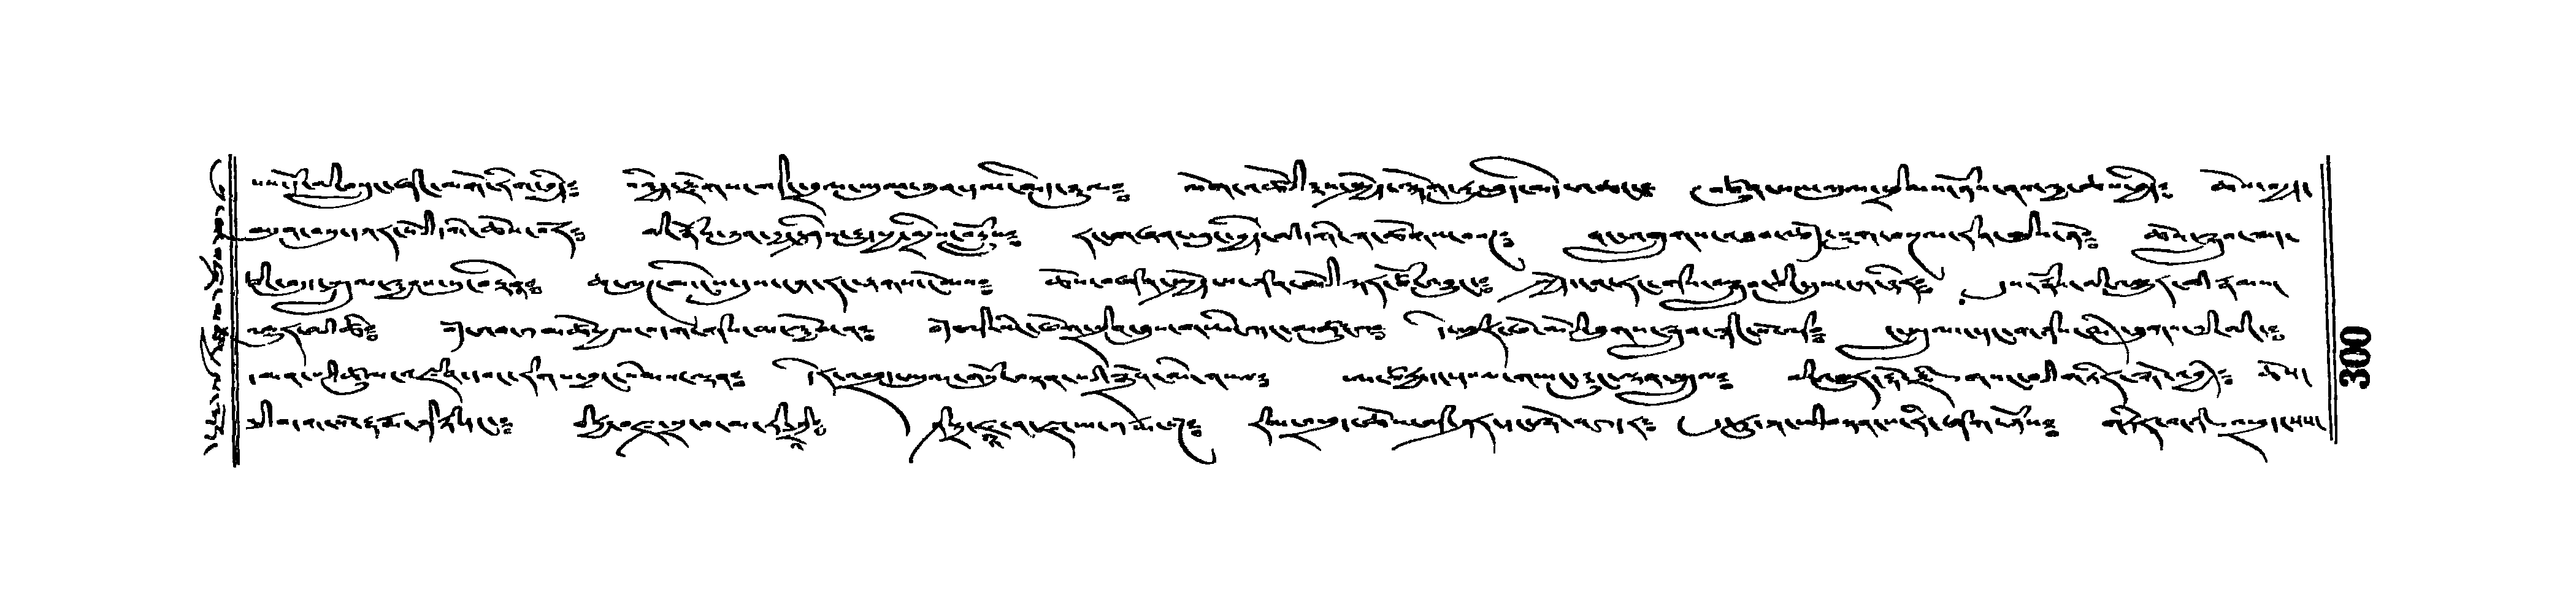པས་དམ་མི་བསྲུང་ཞིང་མགོ་རེག་བྱེད༔ བསྐྱེད་རྫོགས་གདིང་བྲལ་ཡུལ་ཀུན་དལ་མེད་ཉུལ༔ ལོག་འཚོའི་ཟས་སྤྱོད་ལྐོག་ཏུ་བུད་མེད་འཆང༔ བཙུན་པས་འདུལ་ཁྲིམས་ཉམས་ནས་སྐྱ་ཆས་བྱེད༔ ཆོས་བརྒྱད་
མདུན་བསུ་དཀར་པོའི་དགེ་ཆོས་བོར༔ མི་རྣམས་ཀུན་ཀྱང་ཤེས་རྒྱུད་རྒྱ་འདྲེས་བརློམས༔ རང་གཞན་ཕུང་བྱེད་མི་དགེ་སྣ་ཚོགས་བསགས༔ ནང་འཁྲུགས་འཐབ་རྩོད་སྡུག་བསྔལ་རིན་གྱིས་ཉོ༔ ཆོས་སྒྲུབ་སྨད་
ཅིང་བདུད་སྤྲུལ་སྐྱབས་སུ་བརྟེན༔ ཆ་ལུགས་མ་ངེས་དུས་ངན་རང་རྟགས་ངོམས༔ ཆོས་བཞིན་སྤྱོད་པ་ཉིན་མོའི་སྐར་ཙམ་འབྱུང༔སྤྱོད་ངན་རང་གིས་བསྒྲུབ་ཅིང་དུས་ངན་ཟེར༔ དུས་རྣམ་མི་འགྱུར་མི་རྣམས་
འགྱུར་བའི་ཚེ༔ བོད་འབངས་མཚོ་རྒྱལ་བདག་གིས་མ་སྐྱོབ་ན༔ བོད་འདི་སེང་ཁོག་སྲིན་བུས་གཡེང་སྐང་མཚུངས༔ དེ་ཕྱིར་ཁོ་མོའི་ཐུགས་སྒྲུབ་སྙིང་པོ་འདི༔ ང་སྤྲུལ་ང་དང་གཉིས་མེད་ཐུགས་ཀྱི་མིང༔ 
དམན་པའི་ཚུལ་འཛིན་དབང་རིགས་བྱང་སེམས་ལྡན༔ དེར་འཕྲད་ཡུལ་གསུམ་བསྟན་པའི་སྒྲོན་མེ་གསལ༔ ཨ་ཙརྻ་དང་དཔལ་དབྱངས་ཟུང་ལྡན་སྤྲུལ༔ མི་འགྱུར་རྡོ་རྗེས་གསང་བའི་གཏེར་སྒོ་འབྱེད༔ ཆོས་
ཀྱི་བདག་པོ་དྷརྨ་ཀིཏྟི་དང༔ བིརྻ་བཛྲ་པྲ་བ་མ་ཏི་ཤྲཱི༔ ཤི་ཏྲ་ཛྙཱ་ན་ཛ་ཡ་ཀརྨ་སོགས༔ རིམ་འཕྲད་ཆོས་འདི་ཤར་དང་ལྷོ་ནས་དར༔ དུ་རུ་ཀ་ཡི་བསྟན་པ་རེ་ཞིག་ཉམས༔ གཏེར་གཉིས་འཕྲད་པས་